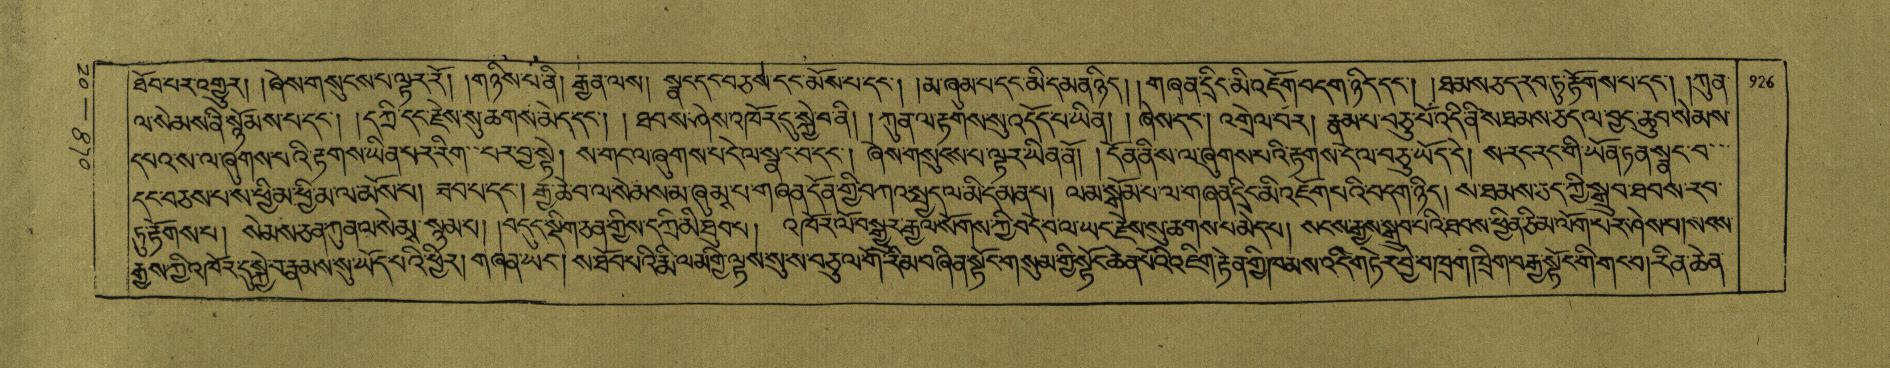ཐོབ་པར་འགྱུར། །ཞེས་གསུངས་པ་ལྟར་རོ། །གཉིས་པ་ནི། རྒྱན་ལས། སྣང་དང་བཅས་དང་མོས་པ་དང་། །མ་ཞུམ་པ་དང་མི་དམན་ཉིད། །གཞན་དྲིང་མི་འཇོག་བདག་ཉིད་དང་། །ཐམས་ཅད་རབ་ཏུ་རྟོགས་པ་དང་། །ཀུན་
ལ་སེམས་ནི་སྙོམས་པ་དང་། །དཀྲི་དང་རྗེས་སུ་ཆགས་མེད་དང་། །ཐབས་ཤེས་འཁོར་དུ་སྐྱེ་བ་ནི། །ཀུན་ལ་རྟགས་སུ་འདོད་པ་ཡིན། །ཞེས་དང་། འགྲེལ་བར། རྣམ་པ་བཅུ་པོ་འདི་ནི་ས་ཐམས་ཅད་ལ་བྱང་ཆུབ་སེམས་
དཔའ་ས་ལ་ཞུགས་པའི་རྟགས་ཡིན་པར་རིག་པར་བྱ་སྟེ། ས་གང་ལ་ཞུགས་པ་དེ་ལ་སྣང་བ་དང་། ཞེས་གསུངས་པ་ལྟར་ཡིན་ནོ། །དོན་ནི་ས་ལ་ཞུགས་པའི་རྟགས་དེ་ལ་བཅུ་ཡོད་དེ། ས་རང་རང་གི་ཡོན་ཏན་སྣང་བ་
དང་བཅས་པས་ཕྱི་མ་ཕྱི་མ་ལ་མོས་པ། ཟབ་པ་དང་། རྒྱ་ཆེ་བ་ལ་སེམས་མ་ཞུམས་པ་གཞན་དོན་གྱི་བཀའ་སྤྱད་ལ་མི་དམན་པ། ལམ་སྒོམ་པ་ལ་གཞན་དྲིང་མི་འཇོག་པའི་བདག་ཉིད། ས་ཐམས་ཅད་ཀྱི་སྒྲུབ་ཐབས་རབ་
ཏུ་རྟོགས་པ། སེམས་ཅན་ཀུན་ལ་སེམས་སྙམ་པ། །བདུད་སྡིག་ཅན་གྱིས་དཀྲི་མི་ཐུབ་པ། འཁོར་ལོ་བསྒྱུར་རྒྱལ་སོགས་ཀྱི་བདེ་བ་ལ་ཡང་རྗེས་སུ་ཆགས་པ་མེད་པ། སངས་རྒྱས་སྒྲུབ་པའི་ཐབས་ཕྱིན་ཅི་མ་ལོག་པར་ཤེས་པ། སངས་
རྒྱས་ཀྱི་འཁོར་དུ་སྐྱེ་བ་རྣམས་སུ་ཡོད་པའི་ཕྱིར། གཞན་ཡང་། ས་ཐོབ་པའི་རྨི་ལམ་གྱི་ལྟས་སུ་ས་བཅུ་ལ་གོ་རིམ་བཞིན་སྟོང་གསུམ་གྱི་སྟོང་ཆེན་པོའི་འཇིག་རྟེན་གྱི་ཁམས་འདི་གཏེར་བྱེ་བ་ཁྲག་ཁྲིག་བརྒྱ་སྟོང་གི་གང་བ། རིན་ཆེན་